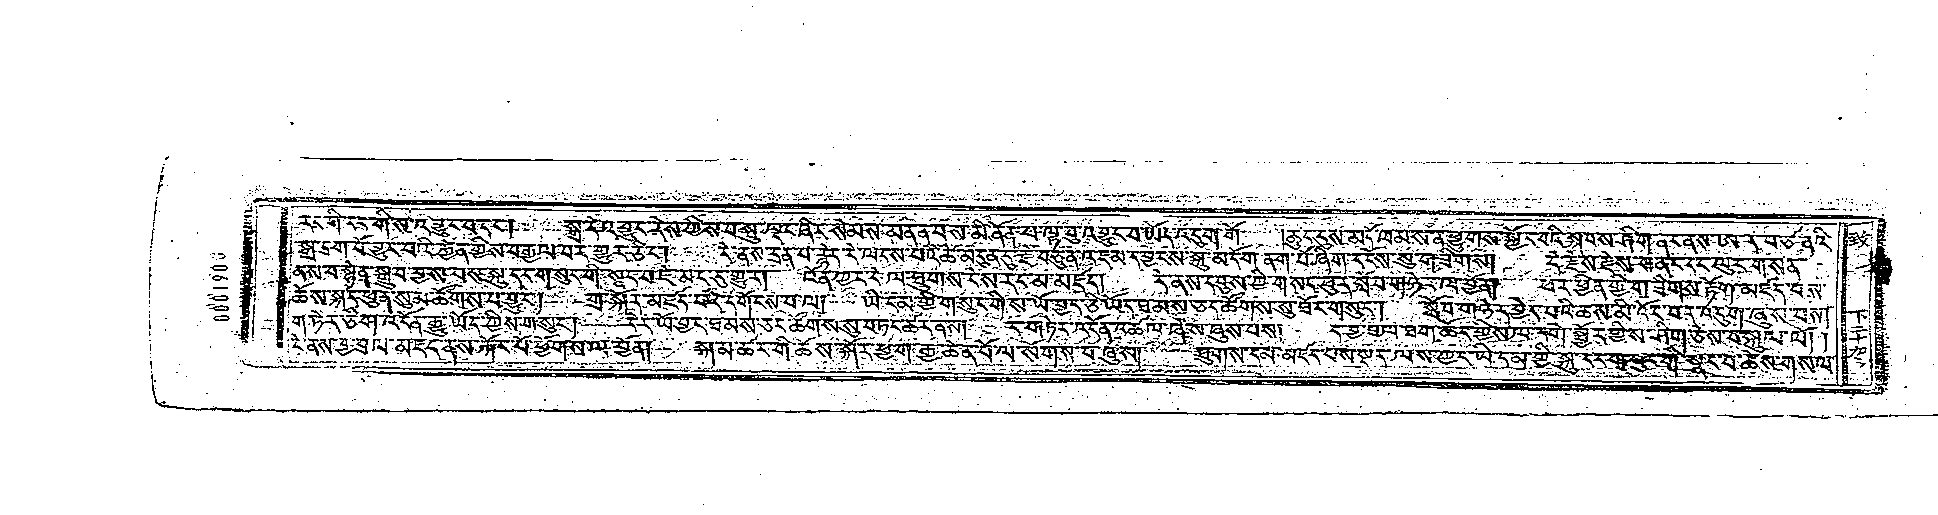རང་གི་དང་གིས་འབྱུང་བ་དང་། སྒྲ་དེ་འབྱུང་རེས་ཀྱིས་བ་སྤུ་ལྡང་ཞིང་སེམས་མནན་པས་མི་ནོན་པ་ལྟ་བུ་འབྱུང་བ་ཡོད་འདུག་གོ །ཆུང་དུས་མདོ་ཁམས་ན་ཕྱུགས་སྐྱོང་བའི་སྐབས་ཤིག་ནང་ནས་ཨ་ར་པ་ཙ་ནའི་
སྒྲ་དྲག་པོ་བྱུང་བའི་རྐྱེན་གྱིས་བརྒྱལ་བར་གྱུར་ཅིང་། དེ་ནས་དྲན་པ་རྙེད་དེ་ལངས་པའི་ཚེ་མདུན་དུ་རྗེ་བཅུན་འཇམ་དབྱངས་སྐུ་མདོག་ནག་པོ་ཞིག་དངོས་སུ་གཟིགས། དེ་རྗེས་རྗེས་གནང་དང་ལུང་གསན་
ནས་བསྙེན་སྒྲུབ་བྱས་པས་སྐུ་དང་གསུང་གི་སྣང་བ་ཇི་མང་དུ་གྱུར། འོན་ཀྱང་དེ་ལ་ཐུགས་ངེས་རང་མ་མཛད། དེ་ནས་དབུས་ཀྱི་གསང་ཕུར་སློབ་གཉེར་ལ་བྱོན། ཕར་ཕྱིན་གྱི་གཟིགས་རྟོག་མཛད་བས་
ཆོས་སྐད་ཕུན་སུམ་ཚོགས་པ་བྱུང་། གྲ་སྐོར་མཛད་པར་དགོངས་པ་ལ། ཡི་དམ་གྱི་གསུང་གིས་ཡོ་བྱད་ཅི་ཡོད་ཐམས་ཅད་ཚོགས་སུ་ཐོང་གསུང་། སློབ་གཉེར་བྱེད་པའི་ཆས་མི་འོང་བར་འདུག་ཞུས་པས།
གཏེར་ཅིག་འདོན་རྒྱུ་ཡོད་ཀྱིས་གསུང་། དེར་ཡོ་བྱད་ཐམས་ཅད་ཚོགས་སུ་བཏང་ཚར་ནས། ད་གཏེར་འདོན་འཚལ་ཞེས་ཞུས་པས། ད་བྱ་བྲལ་ཐག་ཆོད་གྱིས་ལ་དགེ་སྦྱོར་གྱིས་ཤིག་ཅེས་བསྐུལ་ལོ། །
དེ་ནས་བྱ་བྲལ་མཛད་ནས་རྐོང་པོ་ཕྱོགས་ལ་བྱོན། སྐམ་ཚང་གི་ཆོས་སྐོར་ཕྱག་རྒྱ་ཆེན་པོ་ལ་སོགས་བ་ཞུས། ཐུགས་དམ་མཛད་བས་སྔར་ལས་ཀྱང་ཡི་དམ་གྱི་སྐུ་དང་གསུང་གི་སྣང་བ་ཆོས་གསལ་